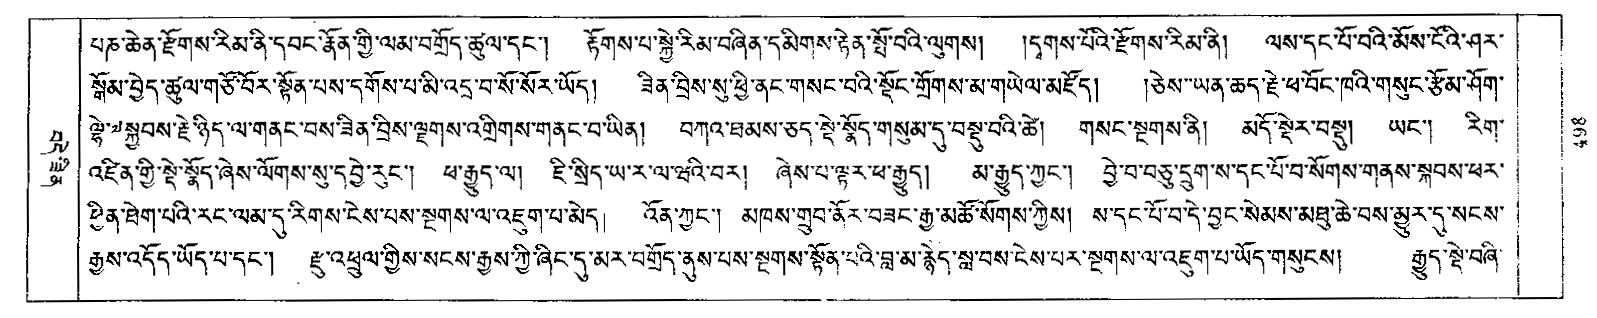པཎ་ཆེན་རྫོགས་རིམ་ནི་དབང་རྣོན་གྱི་ལམ་བགྲོད་ཚུལ་དང་། རྟོགས་པ་སྐྱེ་རིམ་བཞིན་དམིགས་རྟེན་སྤོ་བའི་ལུགས། །དྭགས་པོའི་རྫོགས་རིམ་ནི། ལས་དང་པོ་བའི་མོས་ངོའི་ཤར་
སྒོམ་བྱེད་ཚུལ་གཙོ་བོར་སྟོན་པས་དགོས་པ་མི་འདྲ་བ་སོ་སོར་ཡོད། ཟིན་བྲིས་སུ་ཕྱི་ནང་གསང་བའི་སྡོང་གྲོགས་མ་གཡེལ་མཛོད། །ཅེས་ཡན་ཆད་རྗེ་ཕ་བོང་ཁའི་གསུང་རྩོམ་ཤོག་
ལྷེ་༧སྐྱབས་རྗེ་ཉིད་ལ་གནང་བས་ཟིན་བྲིས་ལྗགས་འགྲིགས་གནང་བ་ཡིན། བཀའ་ཐམས་ཅད་སྡེ་སྣོད་གསུམ་དུ་བསྡུ་བའི་ཚེ། གསང་སྔགས་ནི། མདོ་སྡེར་བསྡུ། ཡང་། རིག་
འཛིན་གྱི་སྡེ་སྣོད་ཞེས་ལོགས་སུ་དབྱེ་རུང་། ཕ་རྒྱུད་ལ། ཇི་སྲིད་ཡ་ར་ལ་ཝའི་བར། ཞེས་པ་ལྟར་ཕ་རྒྱུད། མ་རྒྱུད་ཀྱང་། བྱེ་བ་བཅུ་དྲུག་ས་དང་པོ་བ་སོགས་གནས་སྐབས་ཕར་
ཕྱིན་ཐེག་པའི་རང་ལམ་དུ་རིགས་ངེས་པས་སྔགས་ལ་འཇུག་པ་མེད། འོན་ཀྱང་། མཁས་གྲུབ་ནོར་བཟང་རྒྱ་མཚོ་སོགས་ཀྱིས། ས་དང་པོ་བ་དེ་བྱང་སེམས་མཐུ་ཆེ་བས་མྱུར་དུ་སངས་
རྒྱས་འདོད་ཡོད་པ་དང་། རྫུ་འཕྲུལ་གྱིས་སངས་རྒྱས་ཀྱི་ཞིང་དུ་མར་བགྲོད་ནུས་པས་སྔགས་སྟོན་པའི་བླ་མ་རྙེད་སླ་བས་ངེས་པར་སྔགས་ལ་འཇུག་པ་ཡོད་གསུངས། རྒྱུད་སྡེ་བཞི་